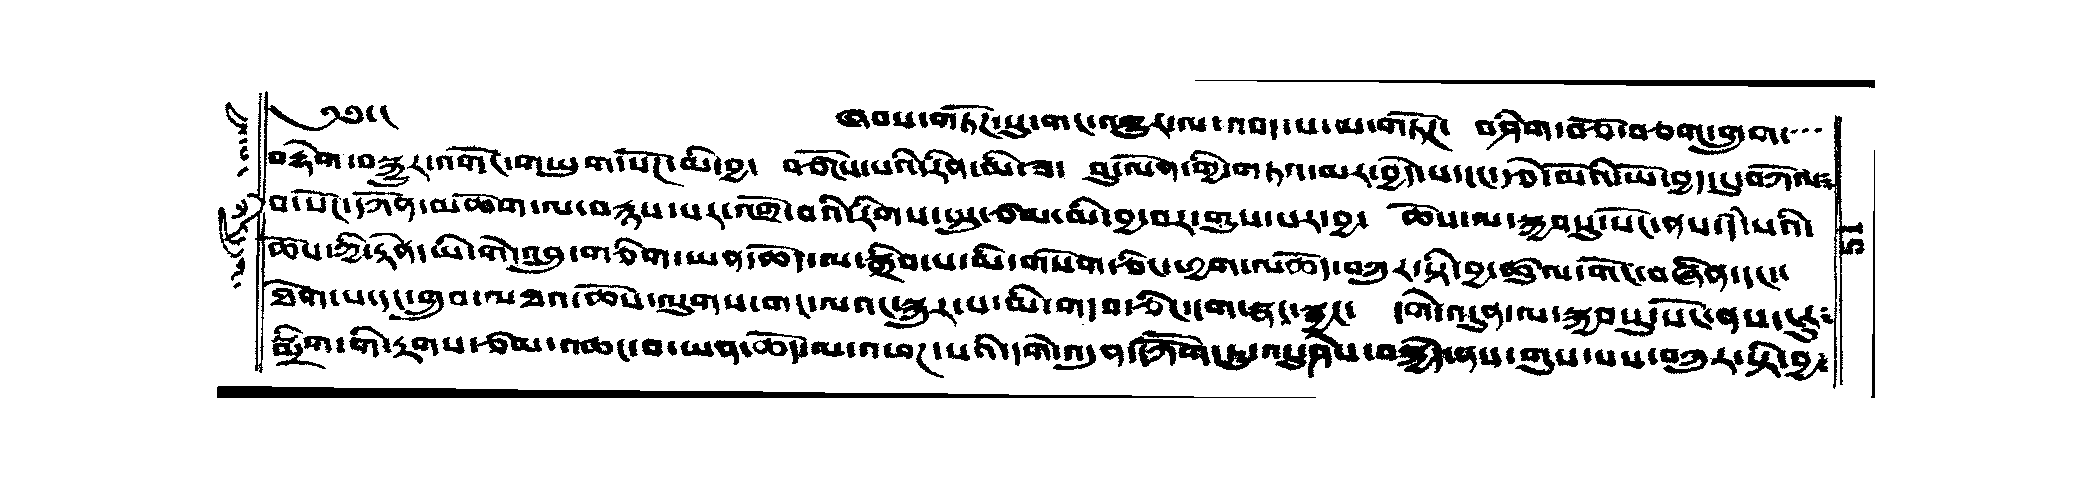ཞབས་གཏོགས་སུ་གང་འགྱར་ལ་འབད་པ་མ་གཏོགས། བཤིག་བཅོ་བཅག་གྲུག་
བརྡེག་བསྐྱུར་འགོང་གཡུག་སོགས་མི་བྱ། བཙོངས་པའི་རིན་མི་ཟ། བུ་ལོན་གྱི་གཏའ་མར་བྱེད་པ་དང་རྩེ་མོའི་ཡོ་བྱད་དུ་བཀོལ་
བ་སོང་དཀོན་མཆོག་ལ་བརྙས་པར་འགྲོ་བའི་རིགས་སྤུ་ཙམ་མི་བྱ་བར་གུས་པར་བྱ། ཆོས་ལ་སྐྱབས་སུ་སོང་ནས་དམ་པའི་
ཆོས་ཀྱི་རྟེན་ཡི་གེ་འབྲུ་གཅིག་ཡན་ཆོད་ལ་སྒྲིབ་པ་མི་གསོག་ཅིང་ཕྱག་མཆོད་བཀུར་སྟི་བྱ་ཚུལ་གོང་བཞིན་དང་། 
ཐེག་པ་དང་གྲུབ་མཐའ་ཆོས་ལུགས་གང་ལའང་སྐུར་པ་མི་གདབ་ཅིང་དག་སྣང་སྦྱང་། དགེ་འདུན་ལ་སྐྱབས་སུ་སོང་ནས་ངུར་
སྨྲིག་གི་རྟགས་ཙམ་འཆང་བ་ཡན་ཆོད་ལ་འཕགས་པའི་དགེ་འདུན་དཀོན་མཆོག་ཏུ་འདུ་ཤེས་བསྐྱེད་ནས་གུས་པས་བཀུར་སྟི་བྱ་